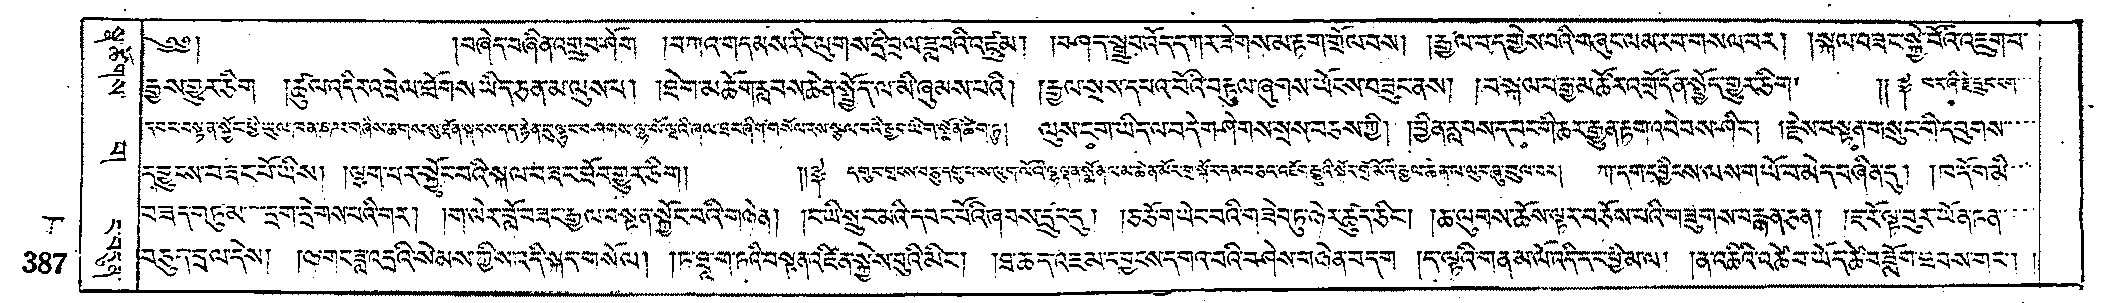༄༅། །བཞེད་བཞིན་འགྲུབ་ཤོག །བཀའ་གདམས་རིང་ལུགས་དྲི་བྲལ་ཟླ་བའི་འཛུམ། །བཤད་སྒྲུབ་འོད་དཀར་ཟེགས་མ་རྟག་གྲོལ་བས། །རྒྱལ་བ་དགྱེས་པའི་གཞུང་ལམ་རབ་གསལ་བར། །སྐལ་བཟང་སྐྱེ་བོའི་འཇུག་པ་
རྒྱས་གྱུར་ཅིག །ཚུལ་འདིར་འབྲེལ་ཐོགས་ཡིད་ཅན་མ་ལུས་པ། །ཐེག་མཆོག་རླབས་ཆེན་སྤྱོད་ལ་མི་ཞུམས་པའི། །རྒྱལ་སྲས་དཔའ་བོའི་བརྟུལ་ཞུགས་ཡོངས་བཟུང་ནས། །བསྐལ་པ་རྒྱ་མཚོར་འགྲོ་དོན་སྤྱོད་གྱུར་ཅིག། །།འ་བར་ཞི་རྗེ་དྲུང་ངག་
དབང་བསྟན་སྐྱོང་ཕྱི་ཡུལ་ཁན་ཎ་ཌར་གཞིས་ཆགས་སུ་ཐོན་སྐབས་དད་རྟེན་དུ་ལྟུང་བཤགས་ལྷ་སོ་ལྔའི་ཞལ་ཐང་ཞིག་གསོལ་རས་སྩལ་བའི་རྒྱབ་ཡིག་སྨོན་ཚིག་ཏུ། ལུས་ངག྾་ཡིད་ལ་བདེ་གཤེགས་སྲས་བཅས་ཀྱི། །བྱིན་རླབས་དབང྾་གི་ཆར་རྒྱུན་རྟག་འབེབས་ཤིང་། །རྗེས་བསྟན྾་གསུང་གི་དབུགས་་་
དབྱུངས་བཟང་པོ་ཡིས། །ལྷག་པར་སྐྱོང྾་བའི་སྐལ་བཟང་ཐོབ་གྱུར་ཅིག། །། འ་དགུང་གྲང་བཅུ་དགུ་པ་ས་ལུག་ལོའི་ལྷ་ལྡན་སྨོན་ལམ་ཆེན་མོར་གྲ་སྐོར་དམ་བཅའ་འཇོག་རྒྱུའི་སྐོར་གྲོ་མོའི་རྒྱལ་ཆེན་ལ་ལུང་ཞུ་ཕུལ་བར།  ཀ་དག་དབྱིངས་ལས་གཡོ་བ་མེད་བཞིན་དུ། །ཁ་དོག་མི་་་
བཟད་གཏུམ་་་དྲག་དྲེགས་པའི་གར། །ག་ལེར་བློ་བཟང་རྒྱལ་བསྟན་སྐྱོང་བའི་གཉེན། །ང་ཡི་སྲུང་མའི་དབང་པོའི་ཞབས་དྲུང་དུ། །ཅ་ཅོ་གཡེང་བའི་གཟེབ་ཏུ་ཉེར་ཚུད་ཅིང་། །ཆ་ལུགས་ཆོས་ལྟར་བཅོས་པའི་གཟུགས་བརྙན་ཅན། །ཇ་རོ་ལྟ་བུར་ཡོན་ཏན་་་
བཅུད་བྲལ་དེས། །ཉ་གང་ཟླ་འདྲའི་སེམས་ཀྱིས་འདི་སྐད་གསོལ། །ཏ་ཐཱ་ག་ཏའི་བསྟན་འཛིན་སྐྱེས་བུའི་མིང་། །ཐ་ཆད་འཇམ་དབྱངས་དགའ་བའི་བཤེས་གཉེན་བདག །ད་ལྟའི་གནམ་ལོ་འདི་དང་ཕྱི་མ་ལ། །ན་འཆིའི་འཚེ་བ་ཡོད་ཚེ་བཟློག་ཐབས་གང་